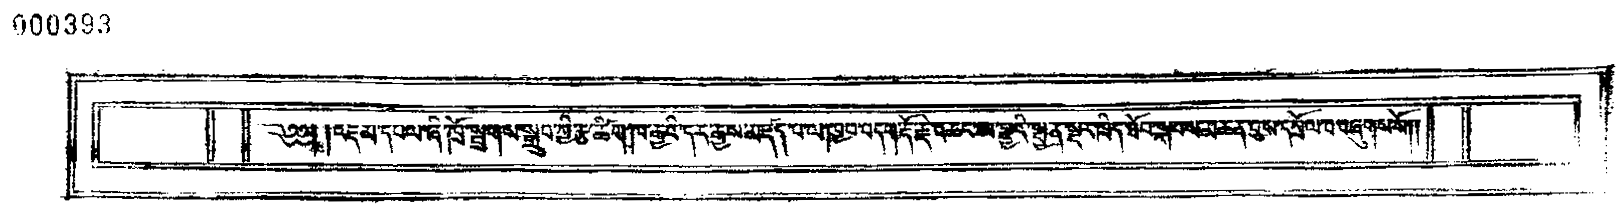༄༅། །འཇམ་དཔལ་ཞི་ཁྲོ་སྦྲགས་སྒྲུབ་ཀྱི་རྩ་ཚིག་ཁ་རྒྱའི་དར་རྒྱས་མཛད་པ་ལ་ཁྱབ་བདག་རྡོ་རྗེ་འཆང་ཨ་བྷྱའི་སྤྱན་སྔར་ཁྲིད་ཐོབ་སྐབས་མཆན་བུས་དཀྲོལ་བ་བཞུགས་སོ།།